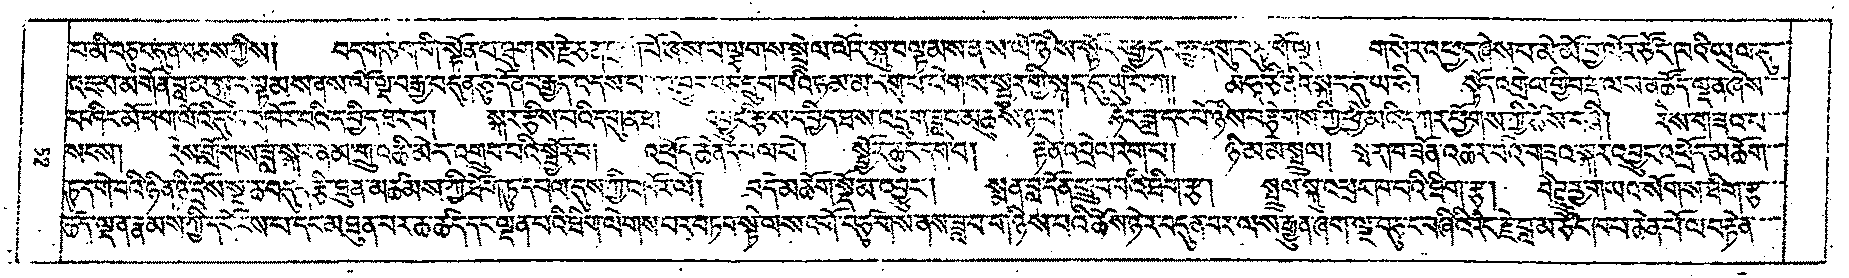པ་མི་བཅུ་བདུན་བཅས་ཀྱིས། བདག་ཅག་གི་སྟོན་པ་ཐུགས་རྗེ་ཅན་དྲག་པོ་ཞེས་པ་ལྕགས་སྤྲེལ་ལོར་སྐུ་བལྟམས་ནས་ལོ་ཉིས་སྟོང་བརྒྱད་བརྒྱ་དགུ་བཅུ་གོ་ལྔ། གསེར་འཕྱང་ཞེས་པ་མེ་མོ་བྱ་ལོར་ཙོང་ཁའི་ཡུལ་དུ་
འཇམ་མགོན་བླ་མ་སྐུ་བལྟམས་ནས་ལོ་ལྔ་བརྒྱ་བདུན་ཅུ་དོན་བརྒྱད་འདས་པ་རབ་བྱུང་བཅུ་དྲུག་པའི་ཉམ་མ་དགུ་པ་ལེགས་སྦྱར་གྱི་སྐད་དུ་ཡུ་བི་ཀ། མཧཱ་ཙི་ནའི་སྐད་དུ་ཡ་ཧི། སྟོད་འགྲེལ་གྱི་བརྡ་ལས་ན་ཚོད་ལྡན་ཞེས་
པ་ཤིང་མོ་ཕག་ལོའི་དུས་འཁོར་བའི་དཔྱིད་ཐར་པ། སྐར་རྩིས་པའི་དགུན་ཐ། འབྱུང་རྩིས་དཔྱིད་ཐ་ས་འབྲུག་ཟླ་བ་མཆུས་ཉ་བ། ཧོར་ཟླ་དང་པོ་ཉིས་བརྩེགས་ཀྱི་ཕྱི་མའི་དཀར་ཕྱོགས་ཀྱི་ཚེས་བཞི། རེས་གཟའ་པ་
སངས། །རེས་གྲོགས་ཟླ་སྐར་ནམ་གྲུ་འཆི་མེད་འགྲུབ་པའི་སྦྱོར་བ། འཕྲོད་ཆེན་དཔལ་བེ། སྦྱོར་ཆུང་དགེ་བ། རྟེན་འབྲེལ་རེག་པ། ཉི་མ་མེ་སྤྲུལ། སྦར་ཁ་ཟོན་འཆར་བའི་གཟའ་སྐར་འབྱུང་འཕྲོད་མཆོག་
ཏུ་དགེ་བའི་ཉིན་ཉི་དྲོས་སྔ་ཆ་བདུད་རྩི་ཐུན་མཚམས་ཀྱི་ཐོག་ཏུ་དཔལ་དུས་ཀྱི་འཁོར་ལོ། བདེ་མཆོག་སྡོམ་འབྱུང་། སྨན་བླ་དོན་གྲུབ་པའི་ཐིག་རྩ། སྤྲུལ་སྐུ་འཕྲང་ཁ་པའི་ཐིག་རྩ། བཻཌཱུརྱ་གཡའ་སོགས་ཐིག་རྩ་
ཚད་ལྡན་རྣམས་ཀྱི་དགོངས་པ་དང་མཐུན་པར་ཆ་ཚད་དང་ལྡན་པའི་ཐིག་ལེགས་པར་བཏབ་སྟེ་ལས་འགོ་བཙུགས་ནས་ཟླ་བ་གཉིས་པའི་ཚེས་ཉེར་བདུན་བར་ལས་རྒྱུན་ཞག་ལྔ་བཅུ་ང་བཞིའི་རིང་རྗེ་བླ་མ་ཙོང་ཁ་པ་ཆེན་པོ་ལ་བརྟེན་